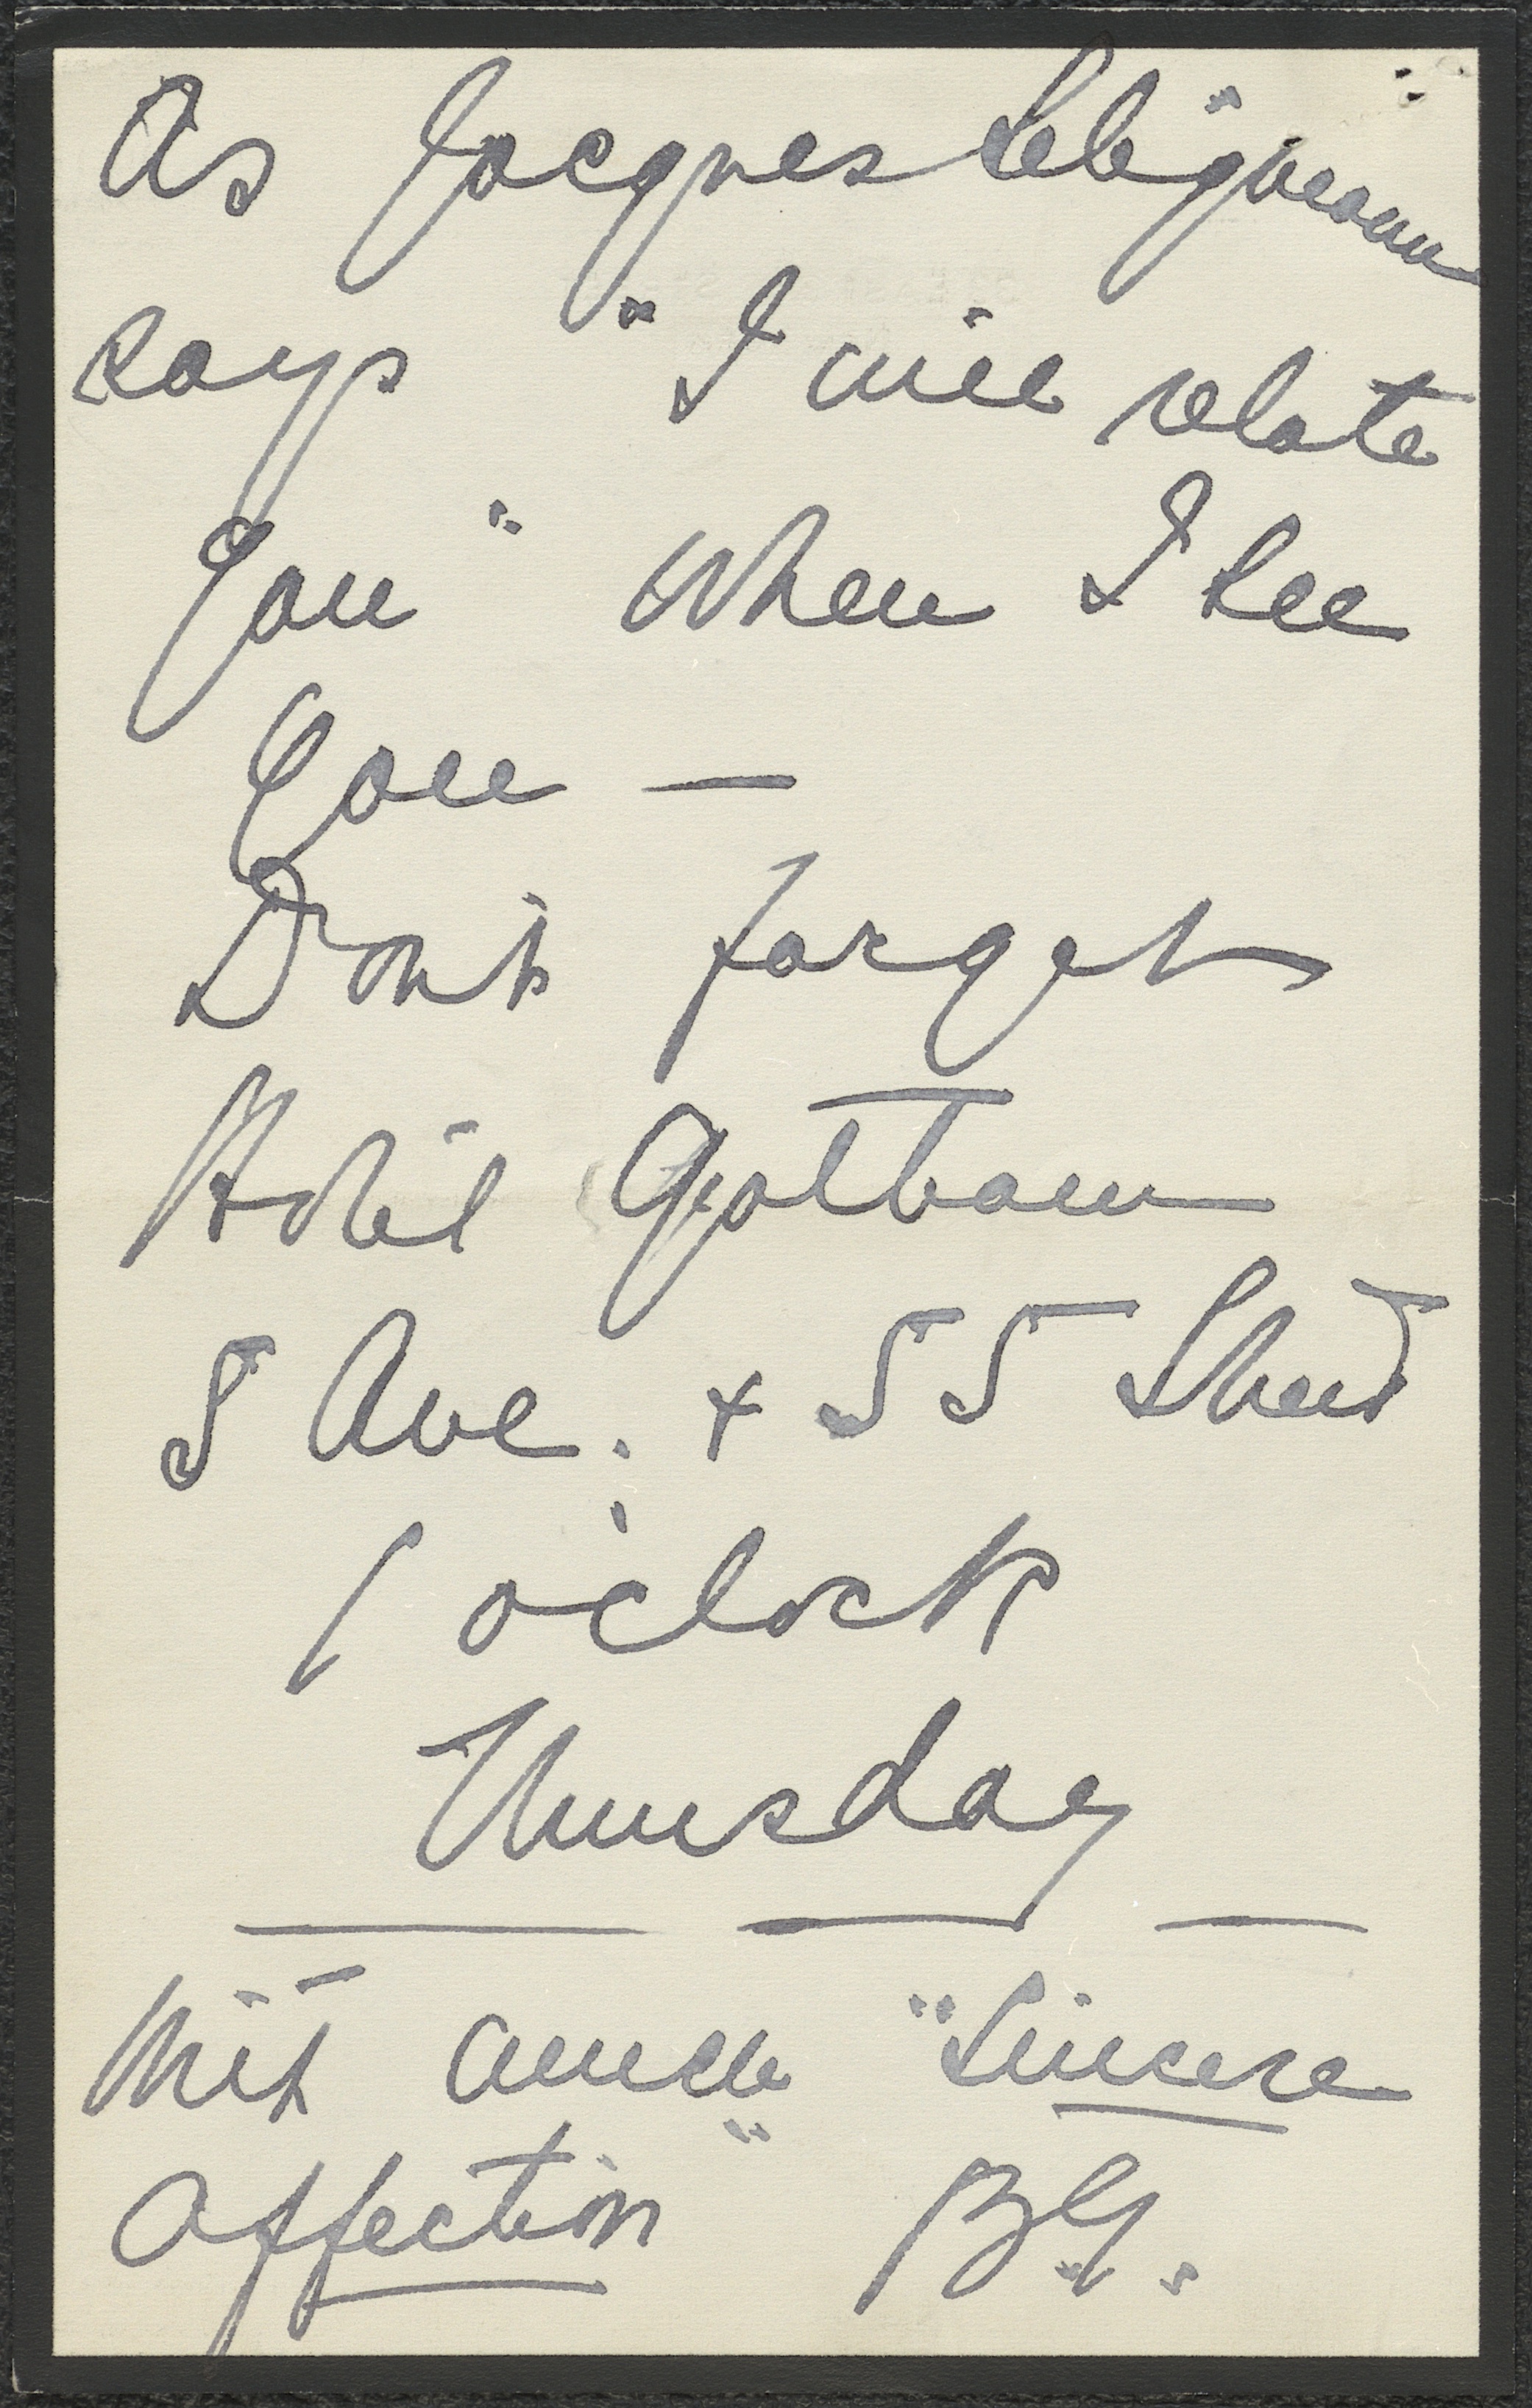As Jacques Seligmann says “I will relate you” when I see you –
Don’t forget Hotel Gotham 5th Ave & 55 street
1 o’clock
Thursday
with much “sincere affection” B.G.